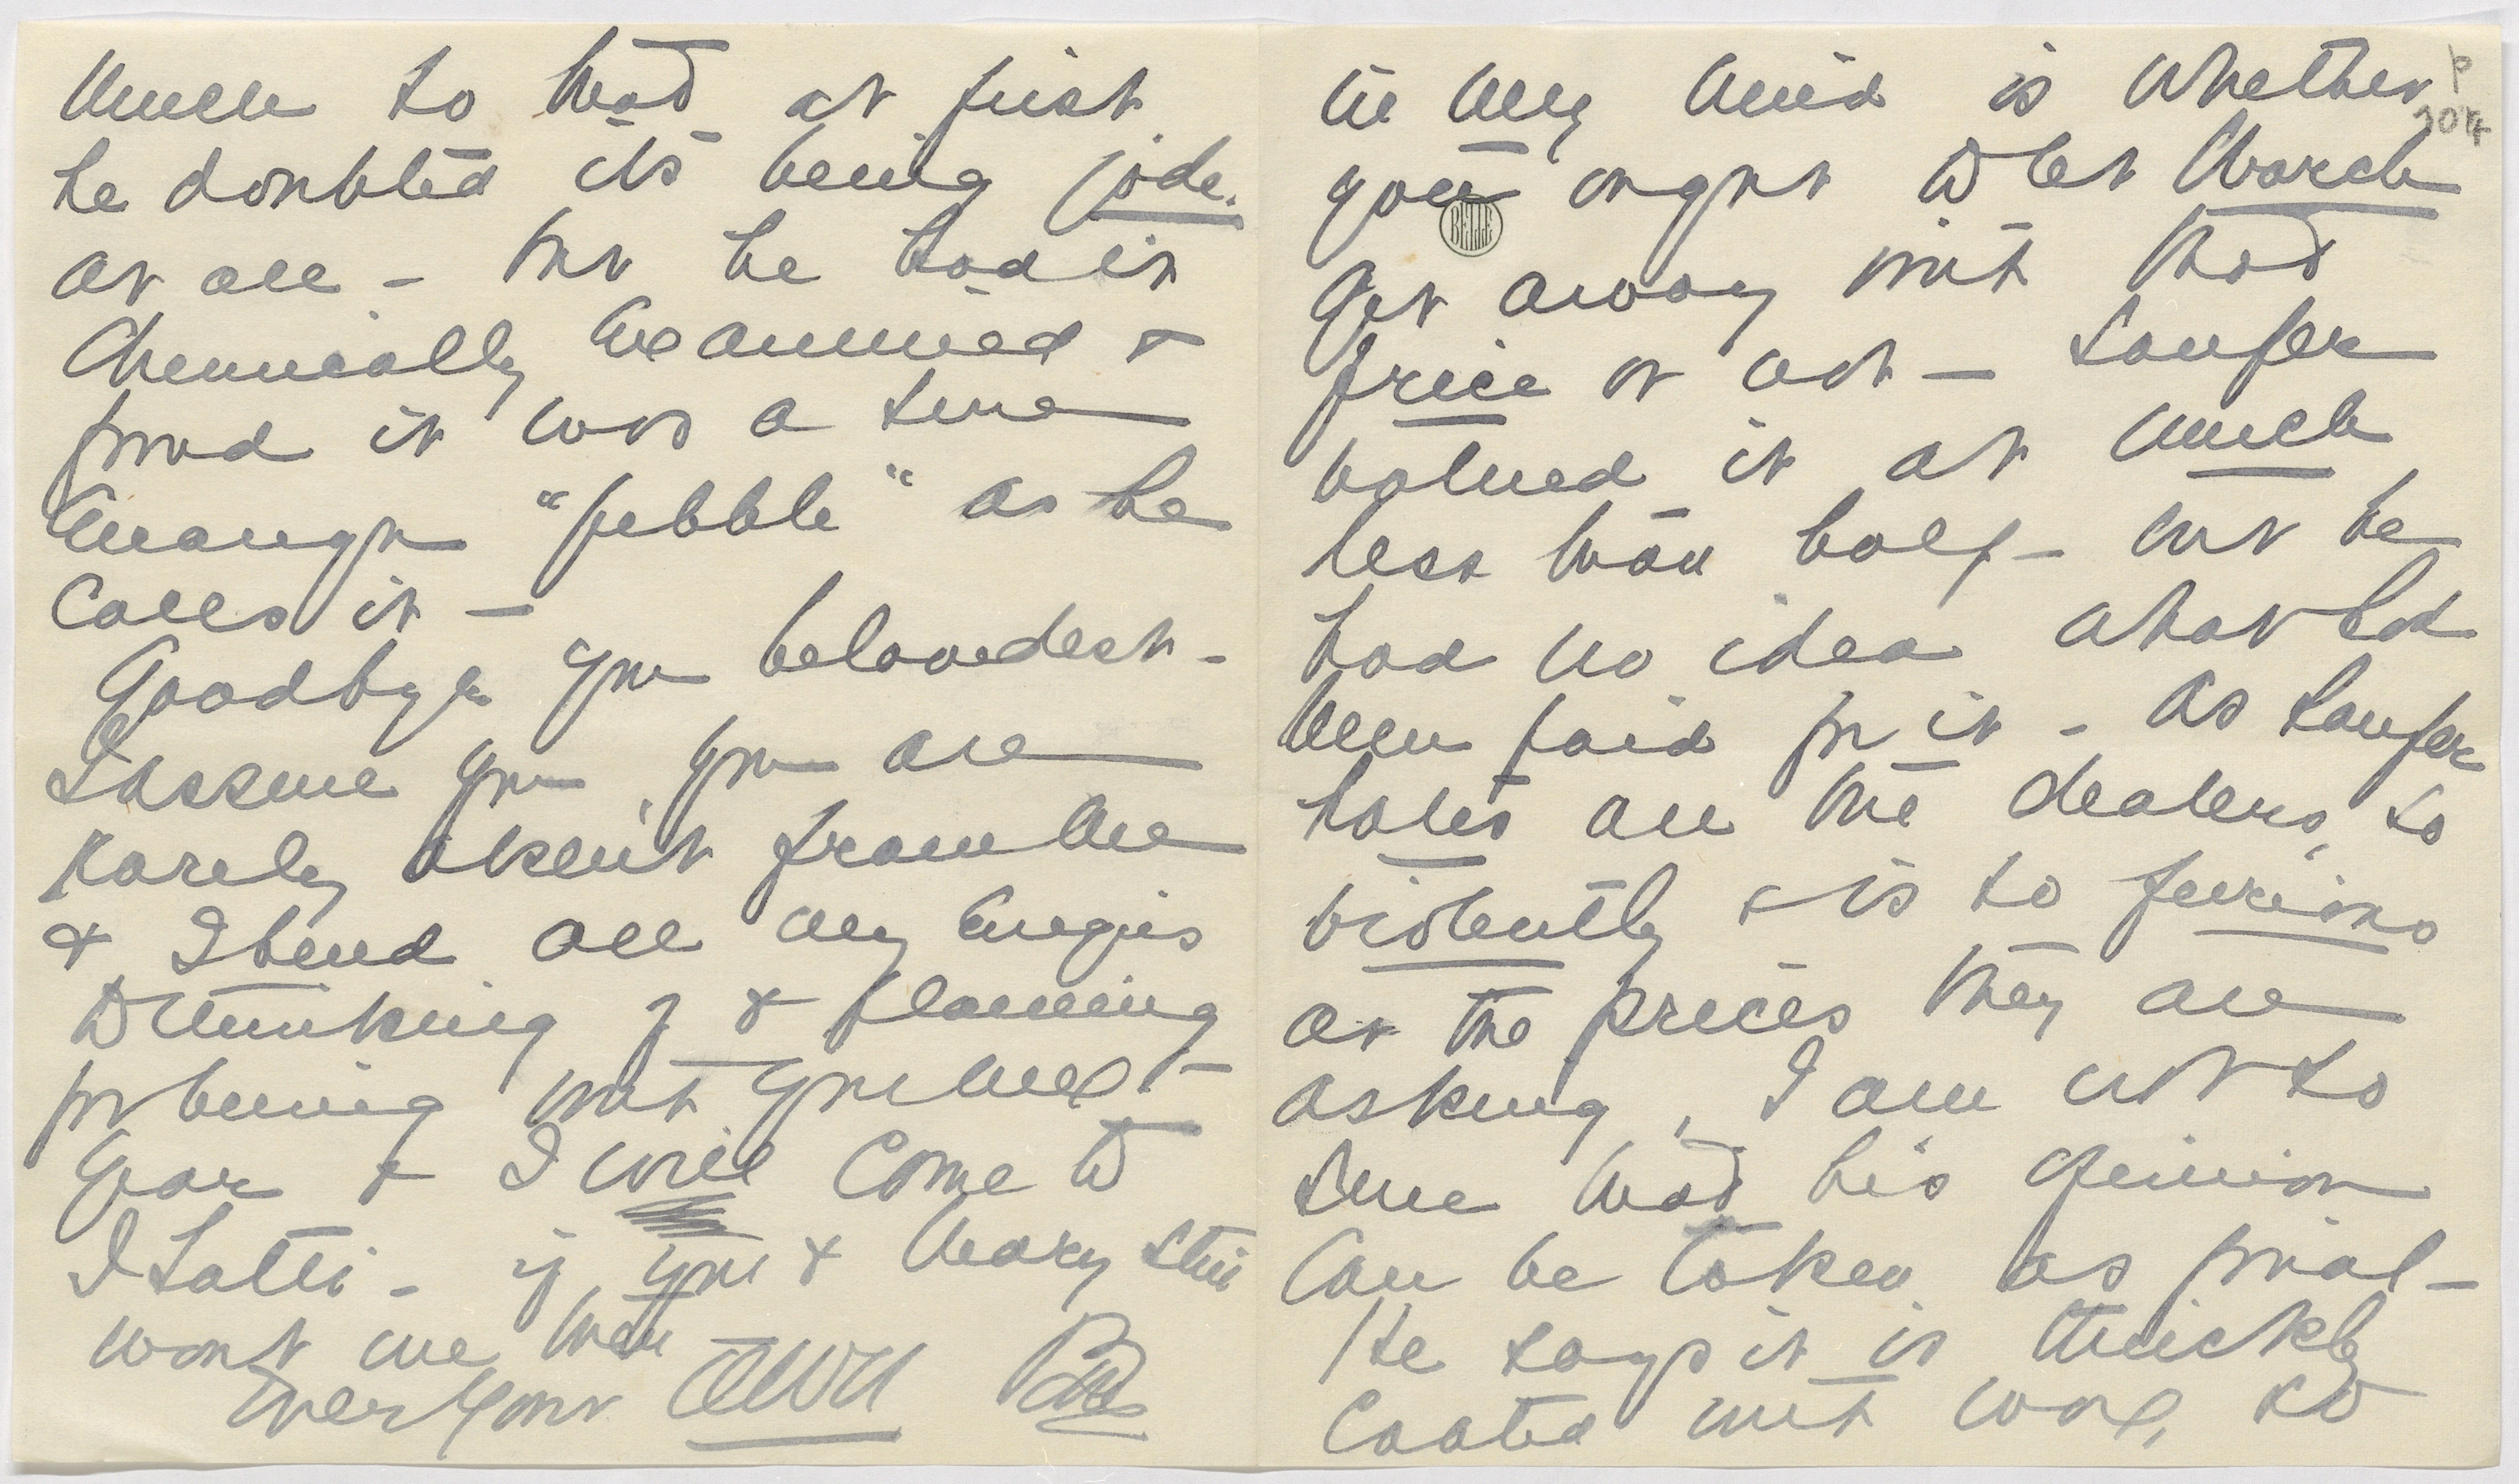in my mind is whether you ought to let Worch get away with that price or not – Laufer valued it at much less than half – but he had no idea what had been paid for it – as Laufer hates all the dealers, so violently & is so furious at the prices they are asking, I am not so sure that his opinion can be taken as final – He says it is thickly coated with wax, so
much so that at first he doubted its being jade at all – but he had it chemically examined & found it was a sure enough “pebble” as he calls it –
Goodbye you belovedest – I assure you, you are rarely absent from me & I bend all my enegies [sic] to thinking of & planning for being with you next year & I [quintuple underlined: will] come to I Tatti – if you & Mary still want me then –
Ever your own Belle